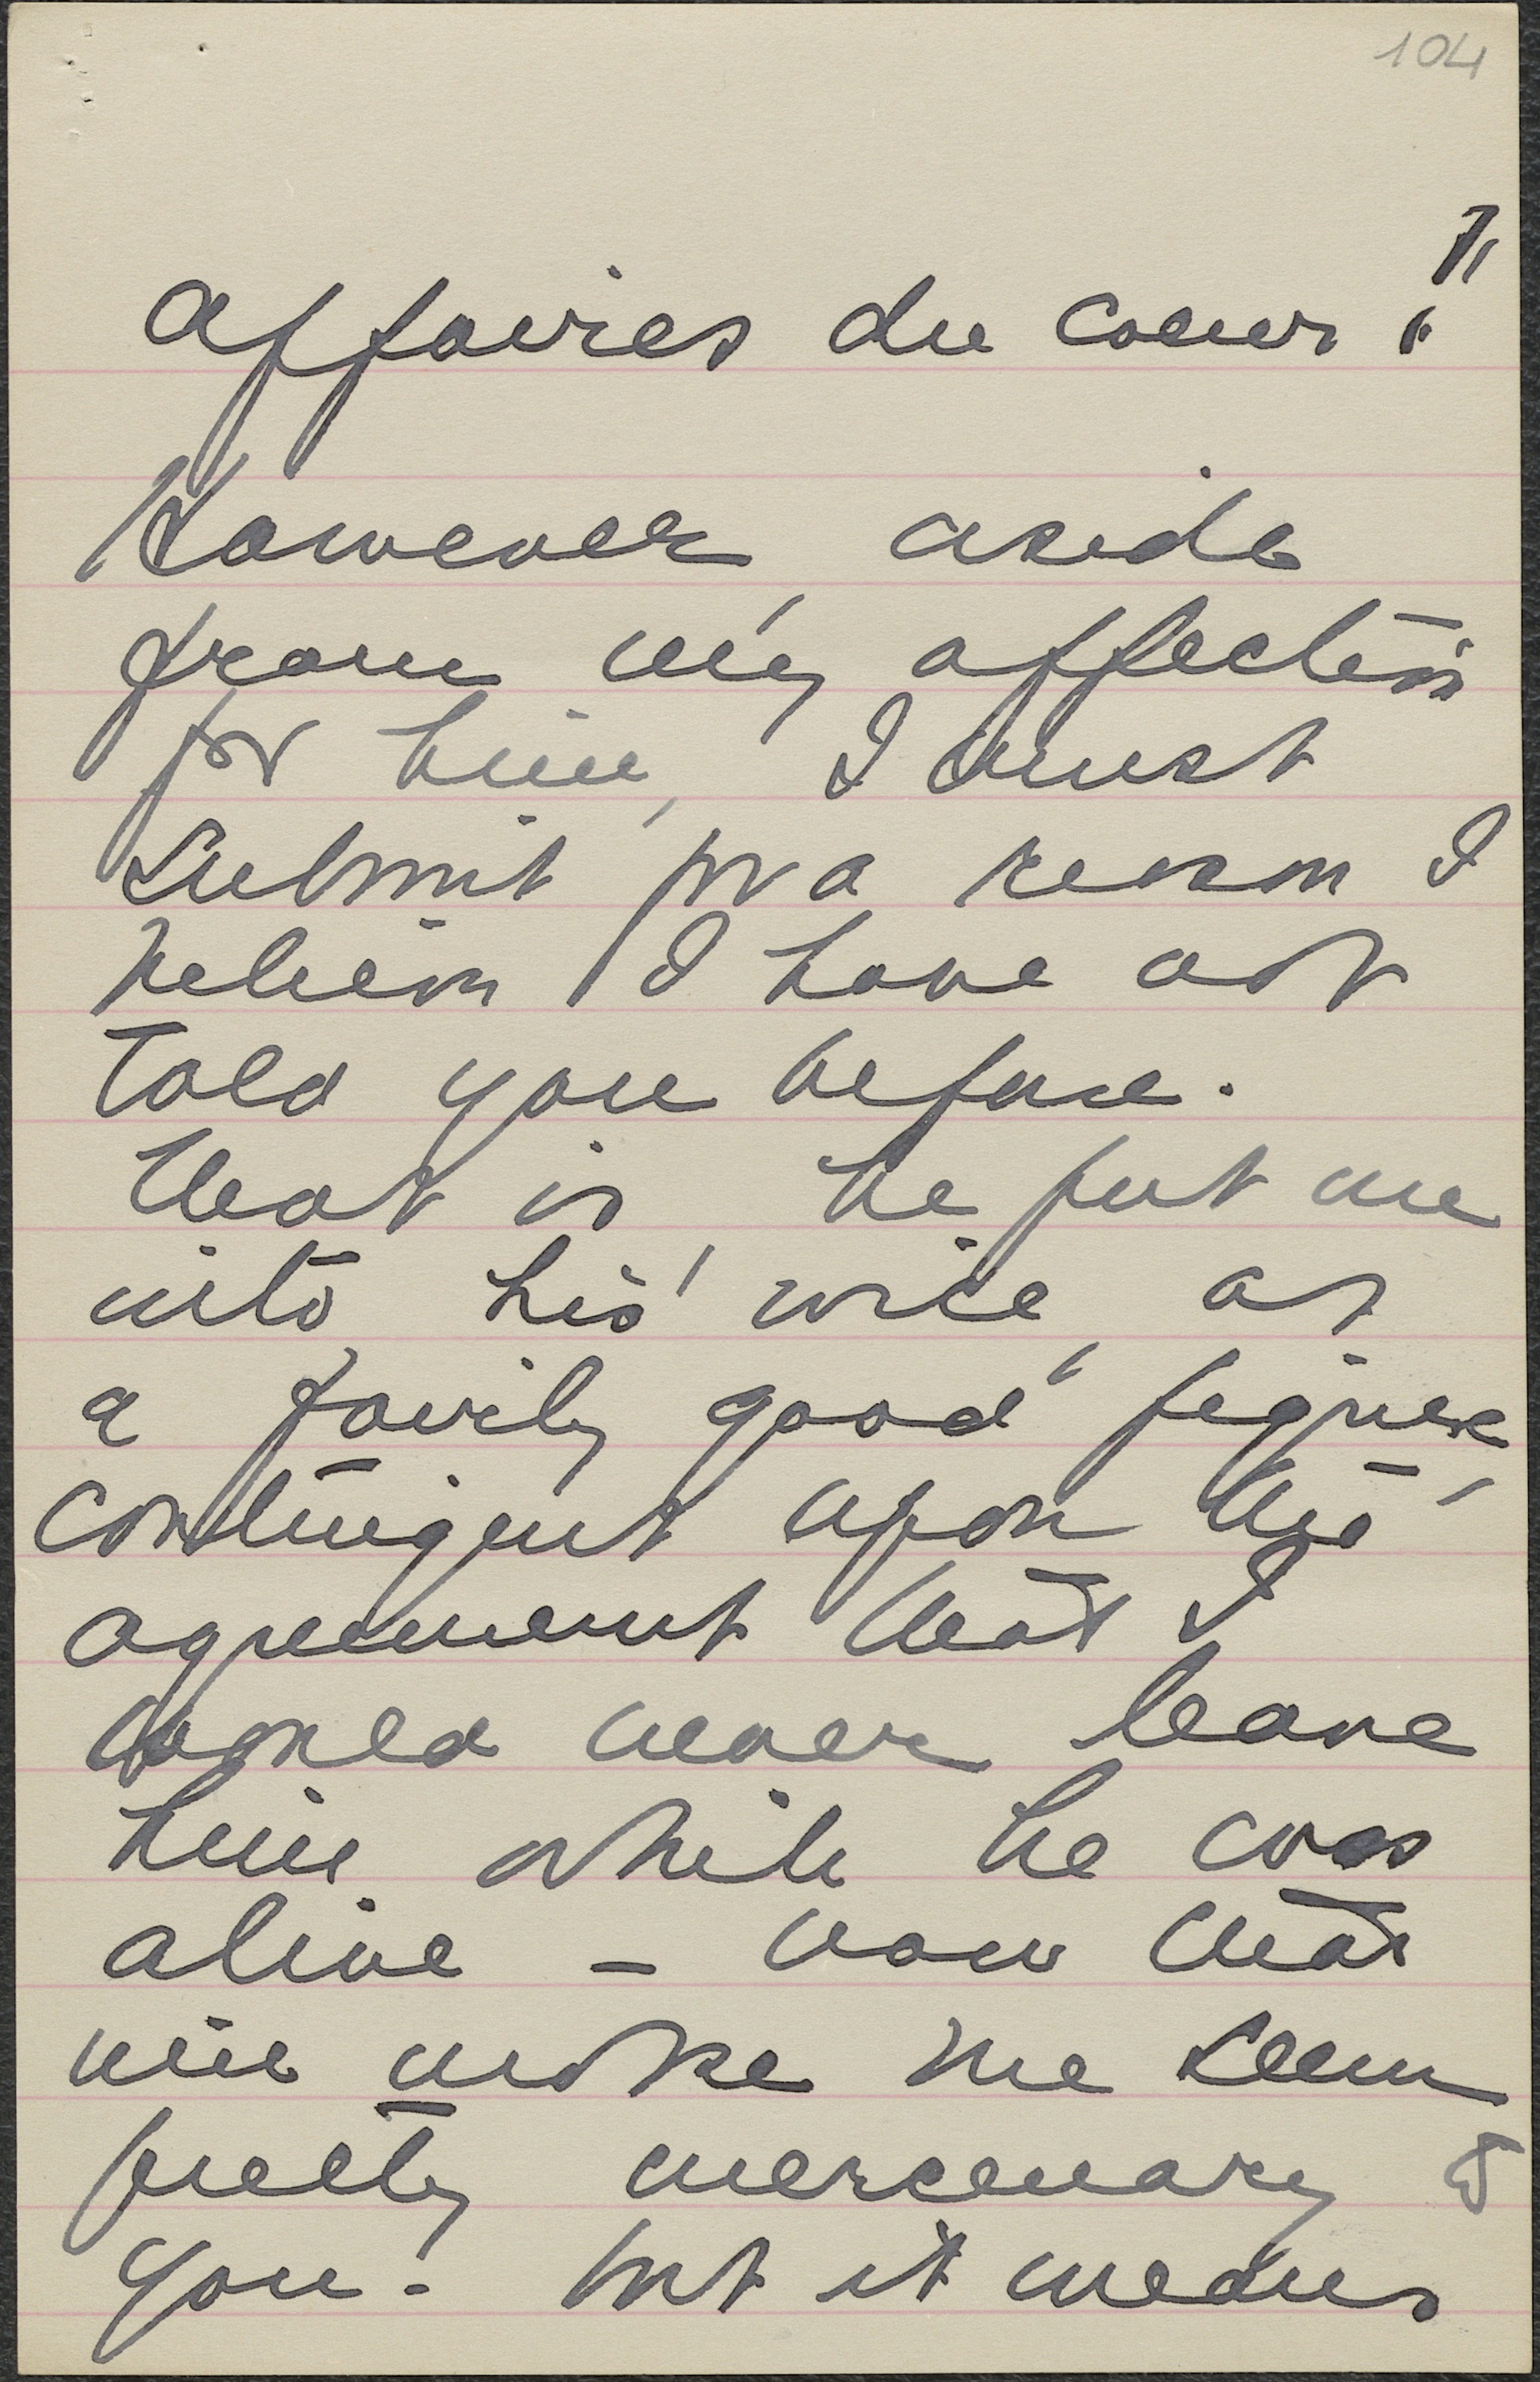affaires du coeur!
However, aside from my affection for him, I must submit for a reason I believe I have not told you before. That is, he put me into his will at a fairly good figure contingent upon the agreement that I would never leave him while he was alive – now that will make me seem pretty mercenary to you. but it means